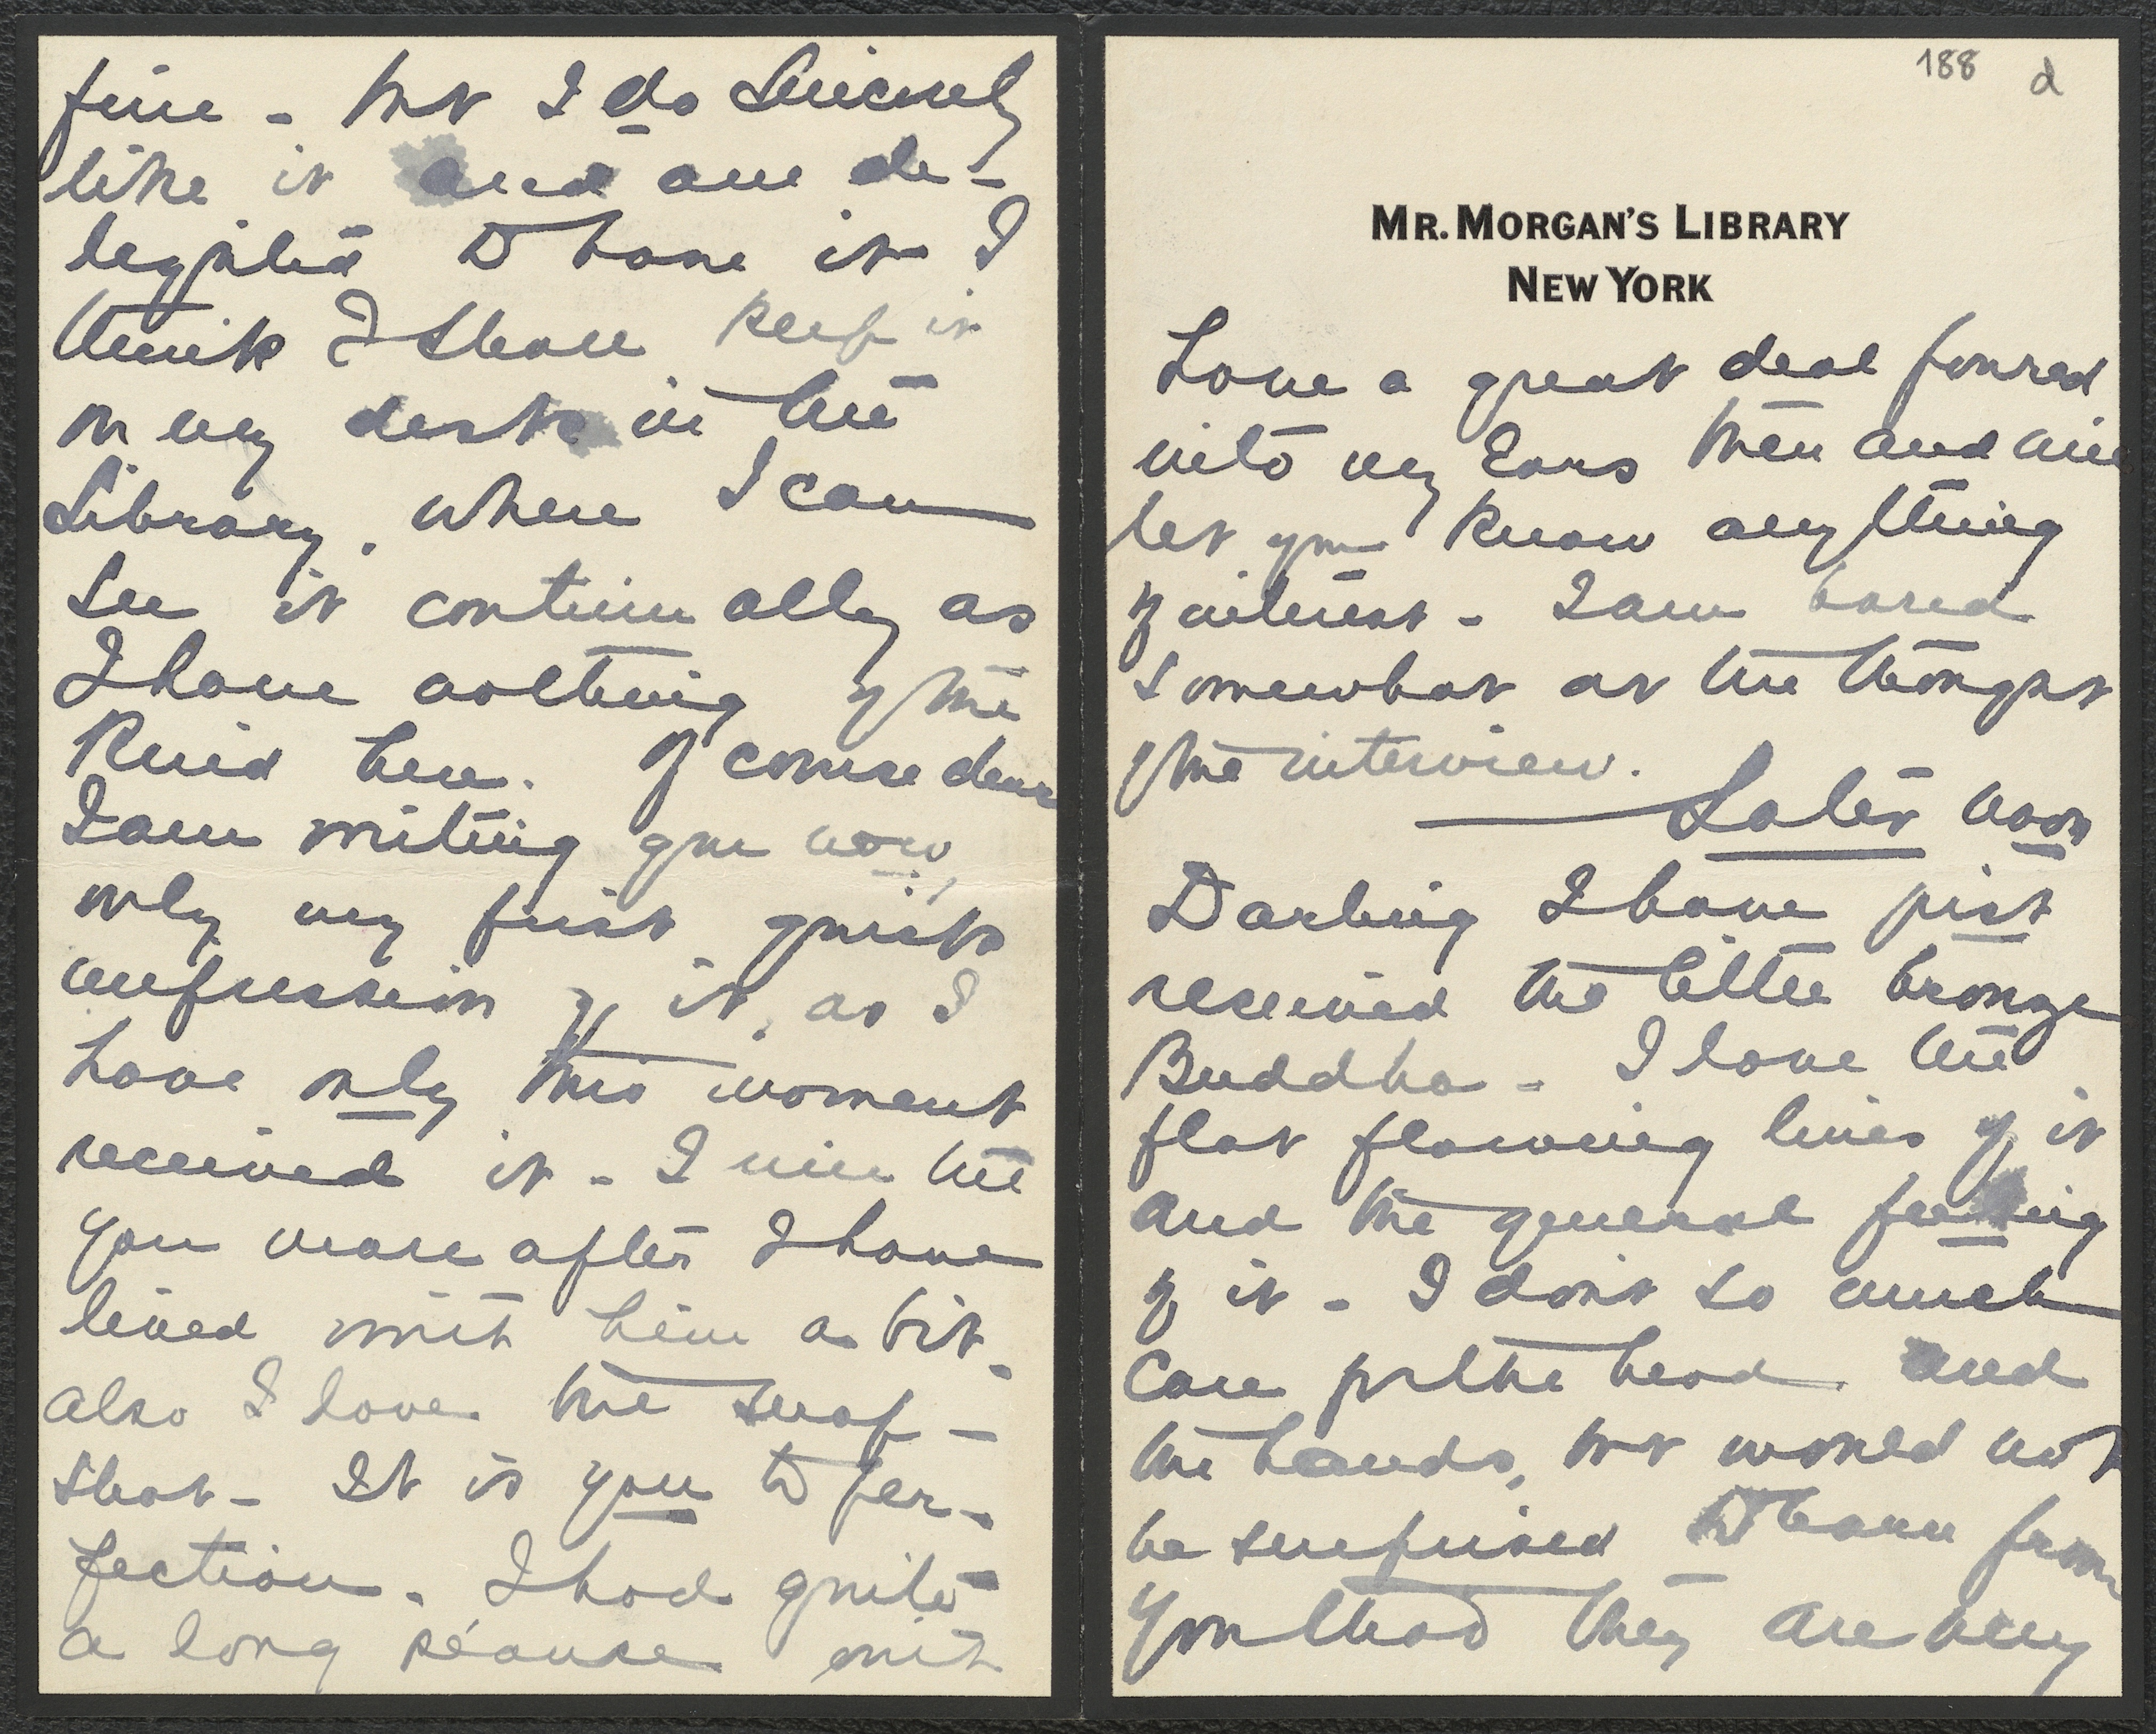have a great deal poured into my ears then and will let you know anything of interest – I am bored somewhat at the thought of the interview.
Later noon
Darling I have just received the little bronze Buddha – I love the flat flowing lines of it and the general feeling of it – I don’t so much care for the head and the hands, but would not be surprised to learn from you that they are very
fine – but I do sincerely like it and am delighted to have it – I think I shall keep it on my desk in the Library, where I can see it continually as I have nothing of the kind here. of course dear I am writing you now, only my first quick impression of it, as I have only this moment received it – I will tell you more after I have lived with him a bit – Also I love the snapshot – It is you to perfection. I had quite a long séance with